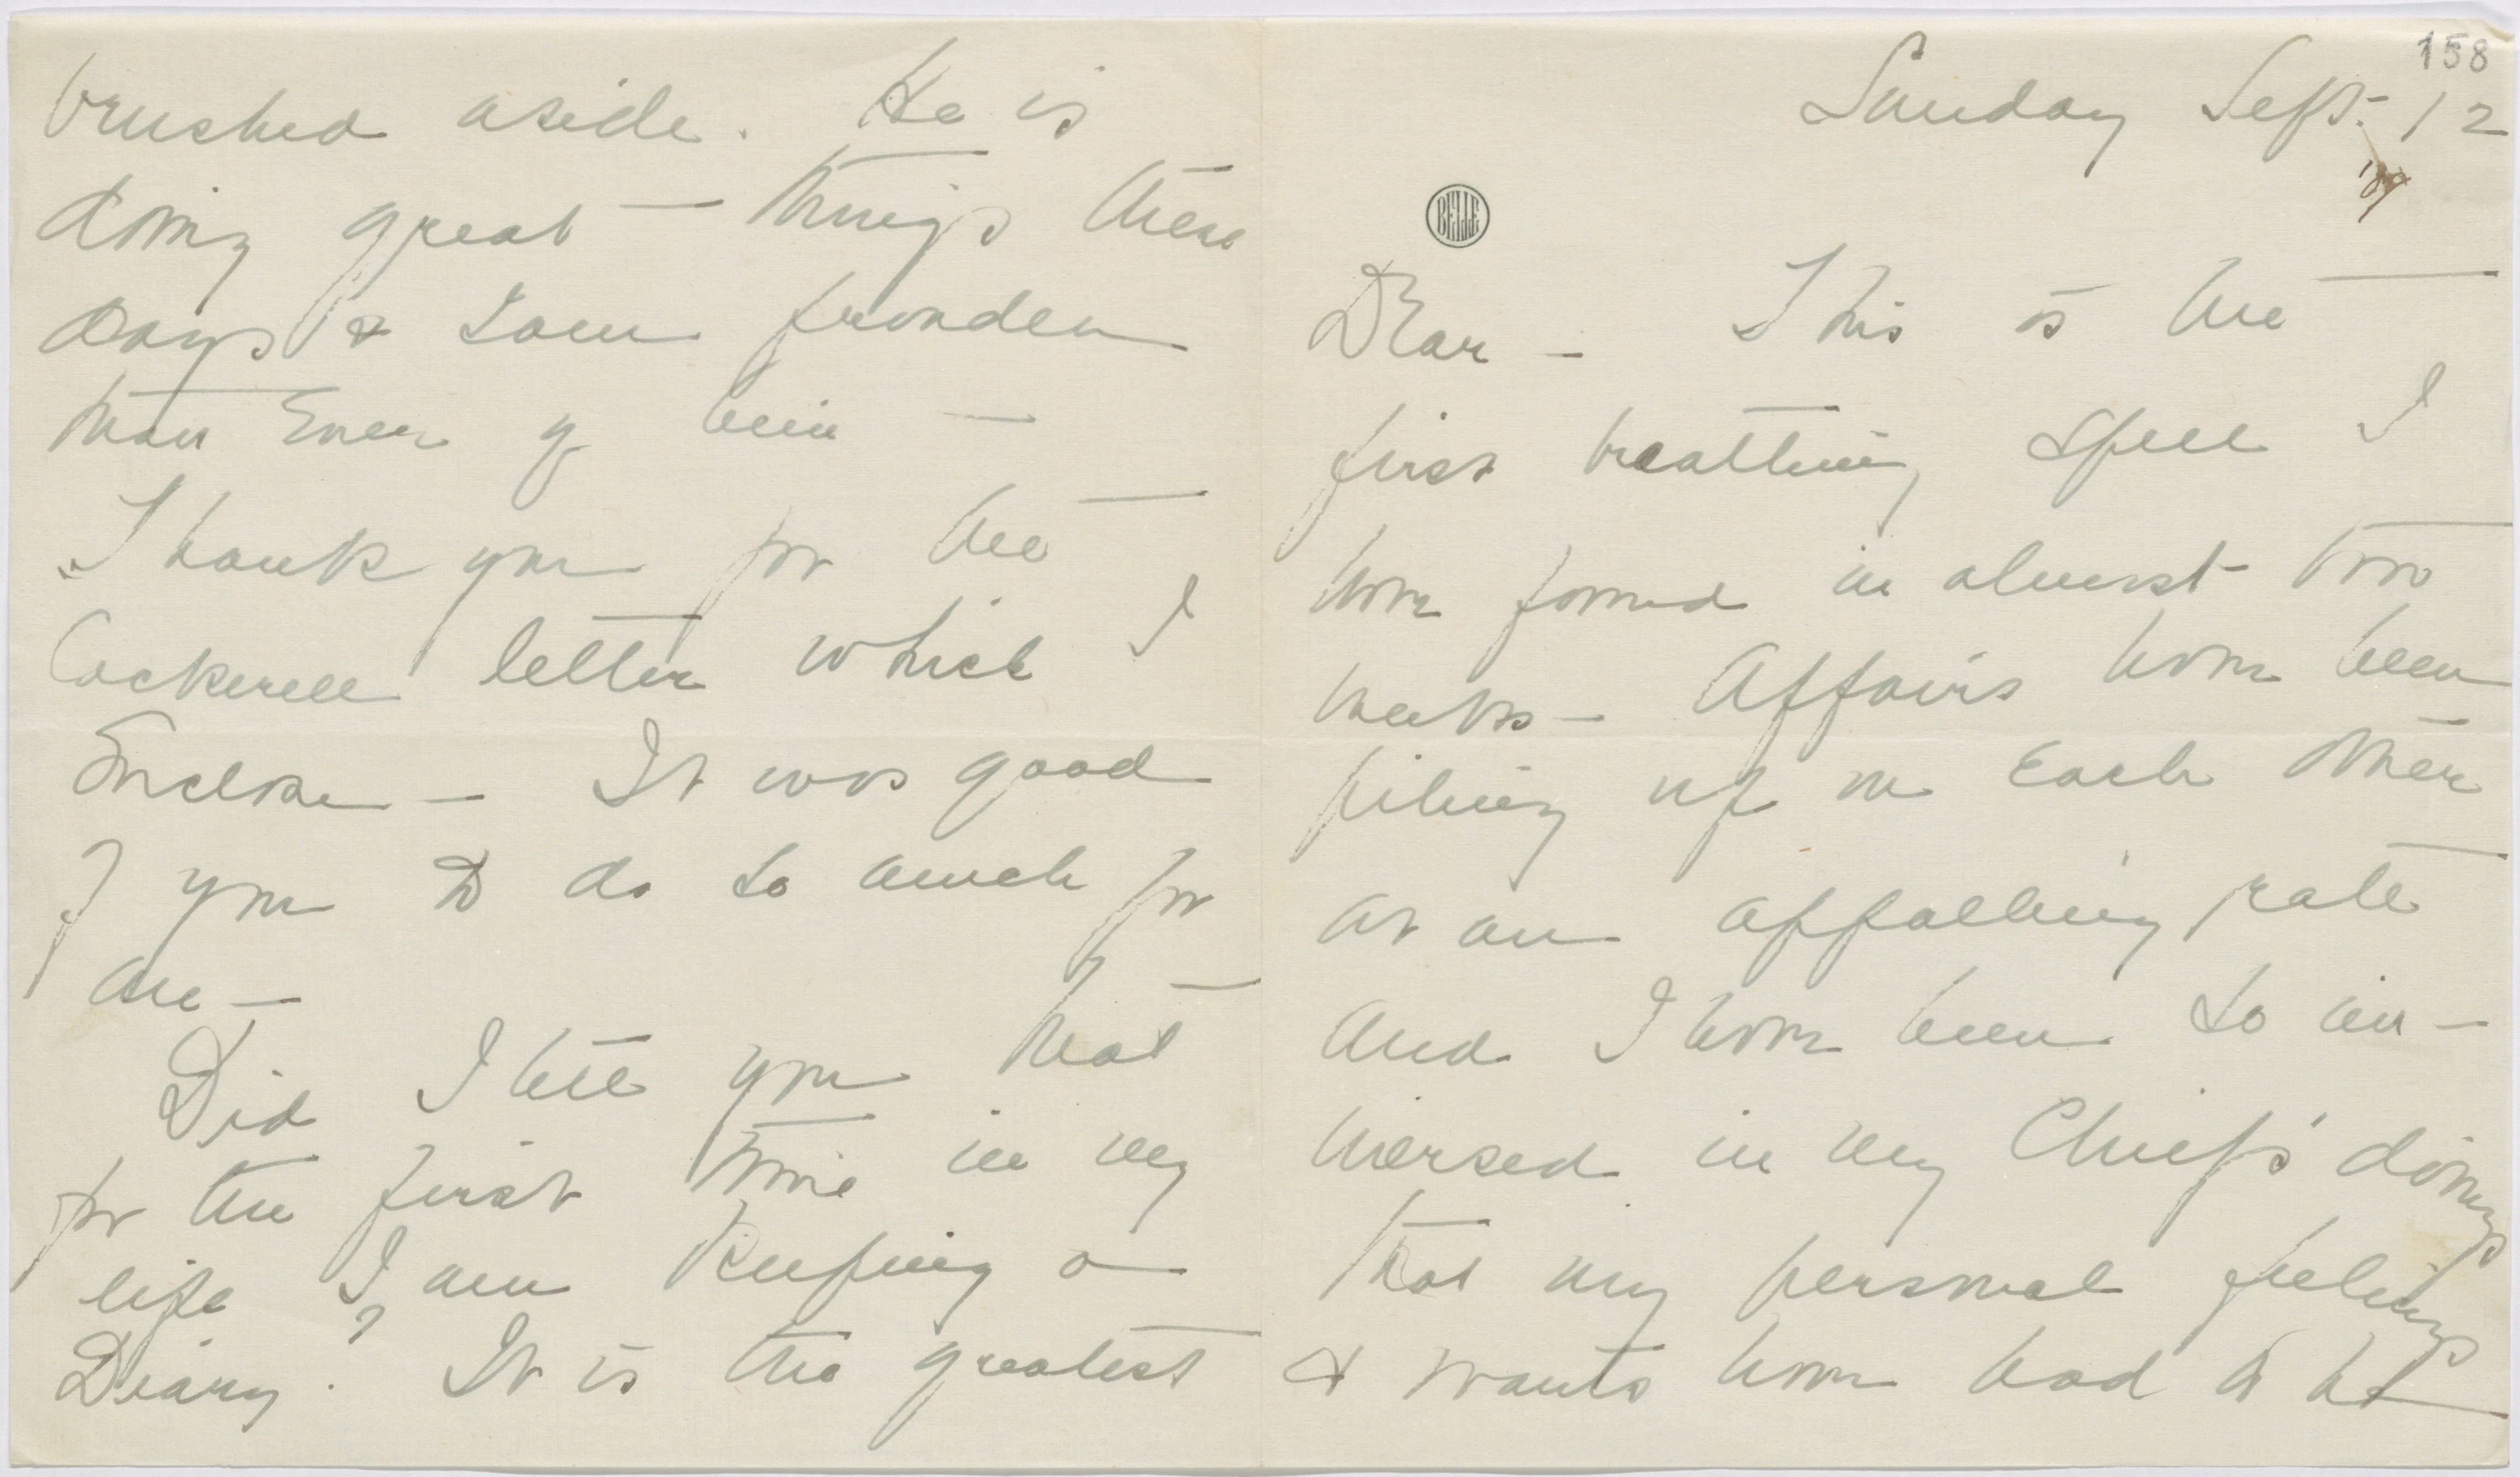Sunday Sept. 12
Dear – This is the first breathing spell I have found in almost two weeks – Affairs have been piling up on each other at an appalling rate and I have been so immersed in my Chief’s doings that my personal feelings & wants have had to be
brushed aside. He is doing great things these days & I am prouder than ever of him – Thank you for the Cockerell letter which I enclose – It was good of you to do so much for me –
Did I tell you that for the first time in my life I am keeping a Diary? It is the greatest